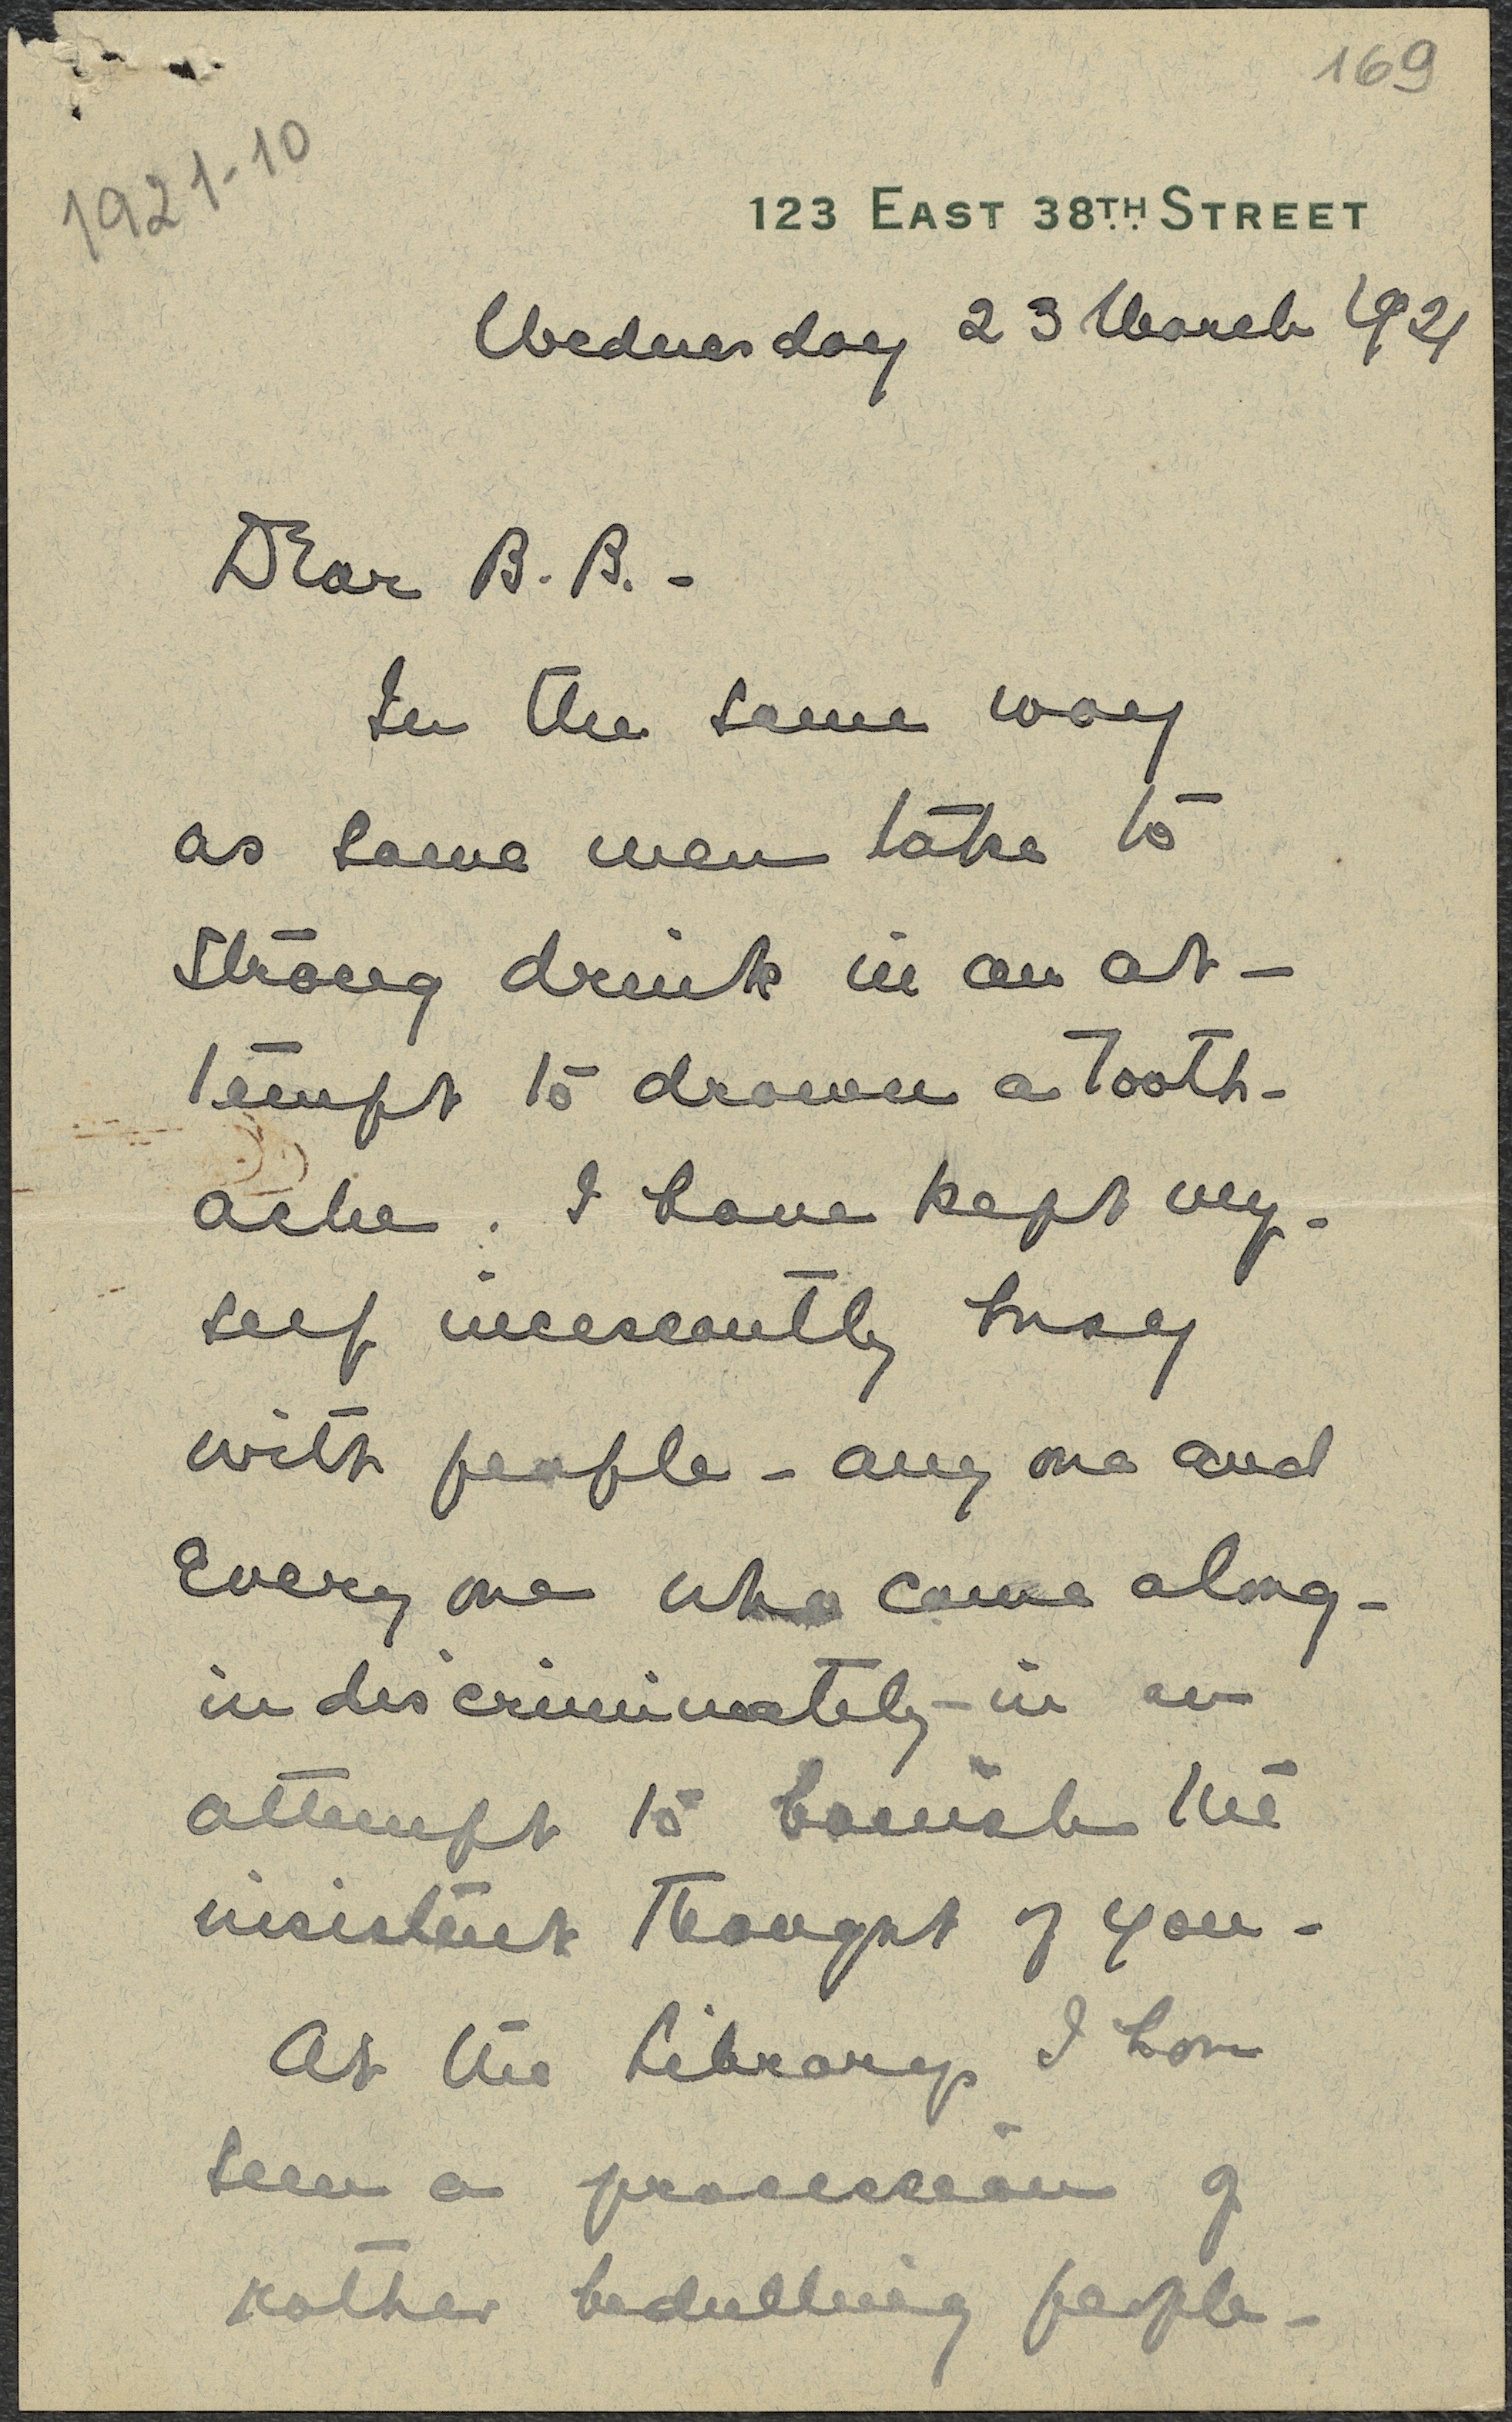Wednesday 23 March 1921
Dear B.B. –
In the same way as some men take to strong drink in an attempt to drown a toothache, I have kept myself incessantly busy with people – any one and every one who came along – indiscriminately – in an attempt to banish the insistent thought of you –
At the Library, I have seen a procession of rather bedulling people –